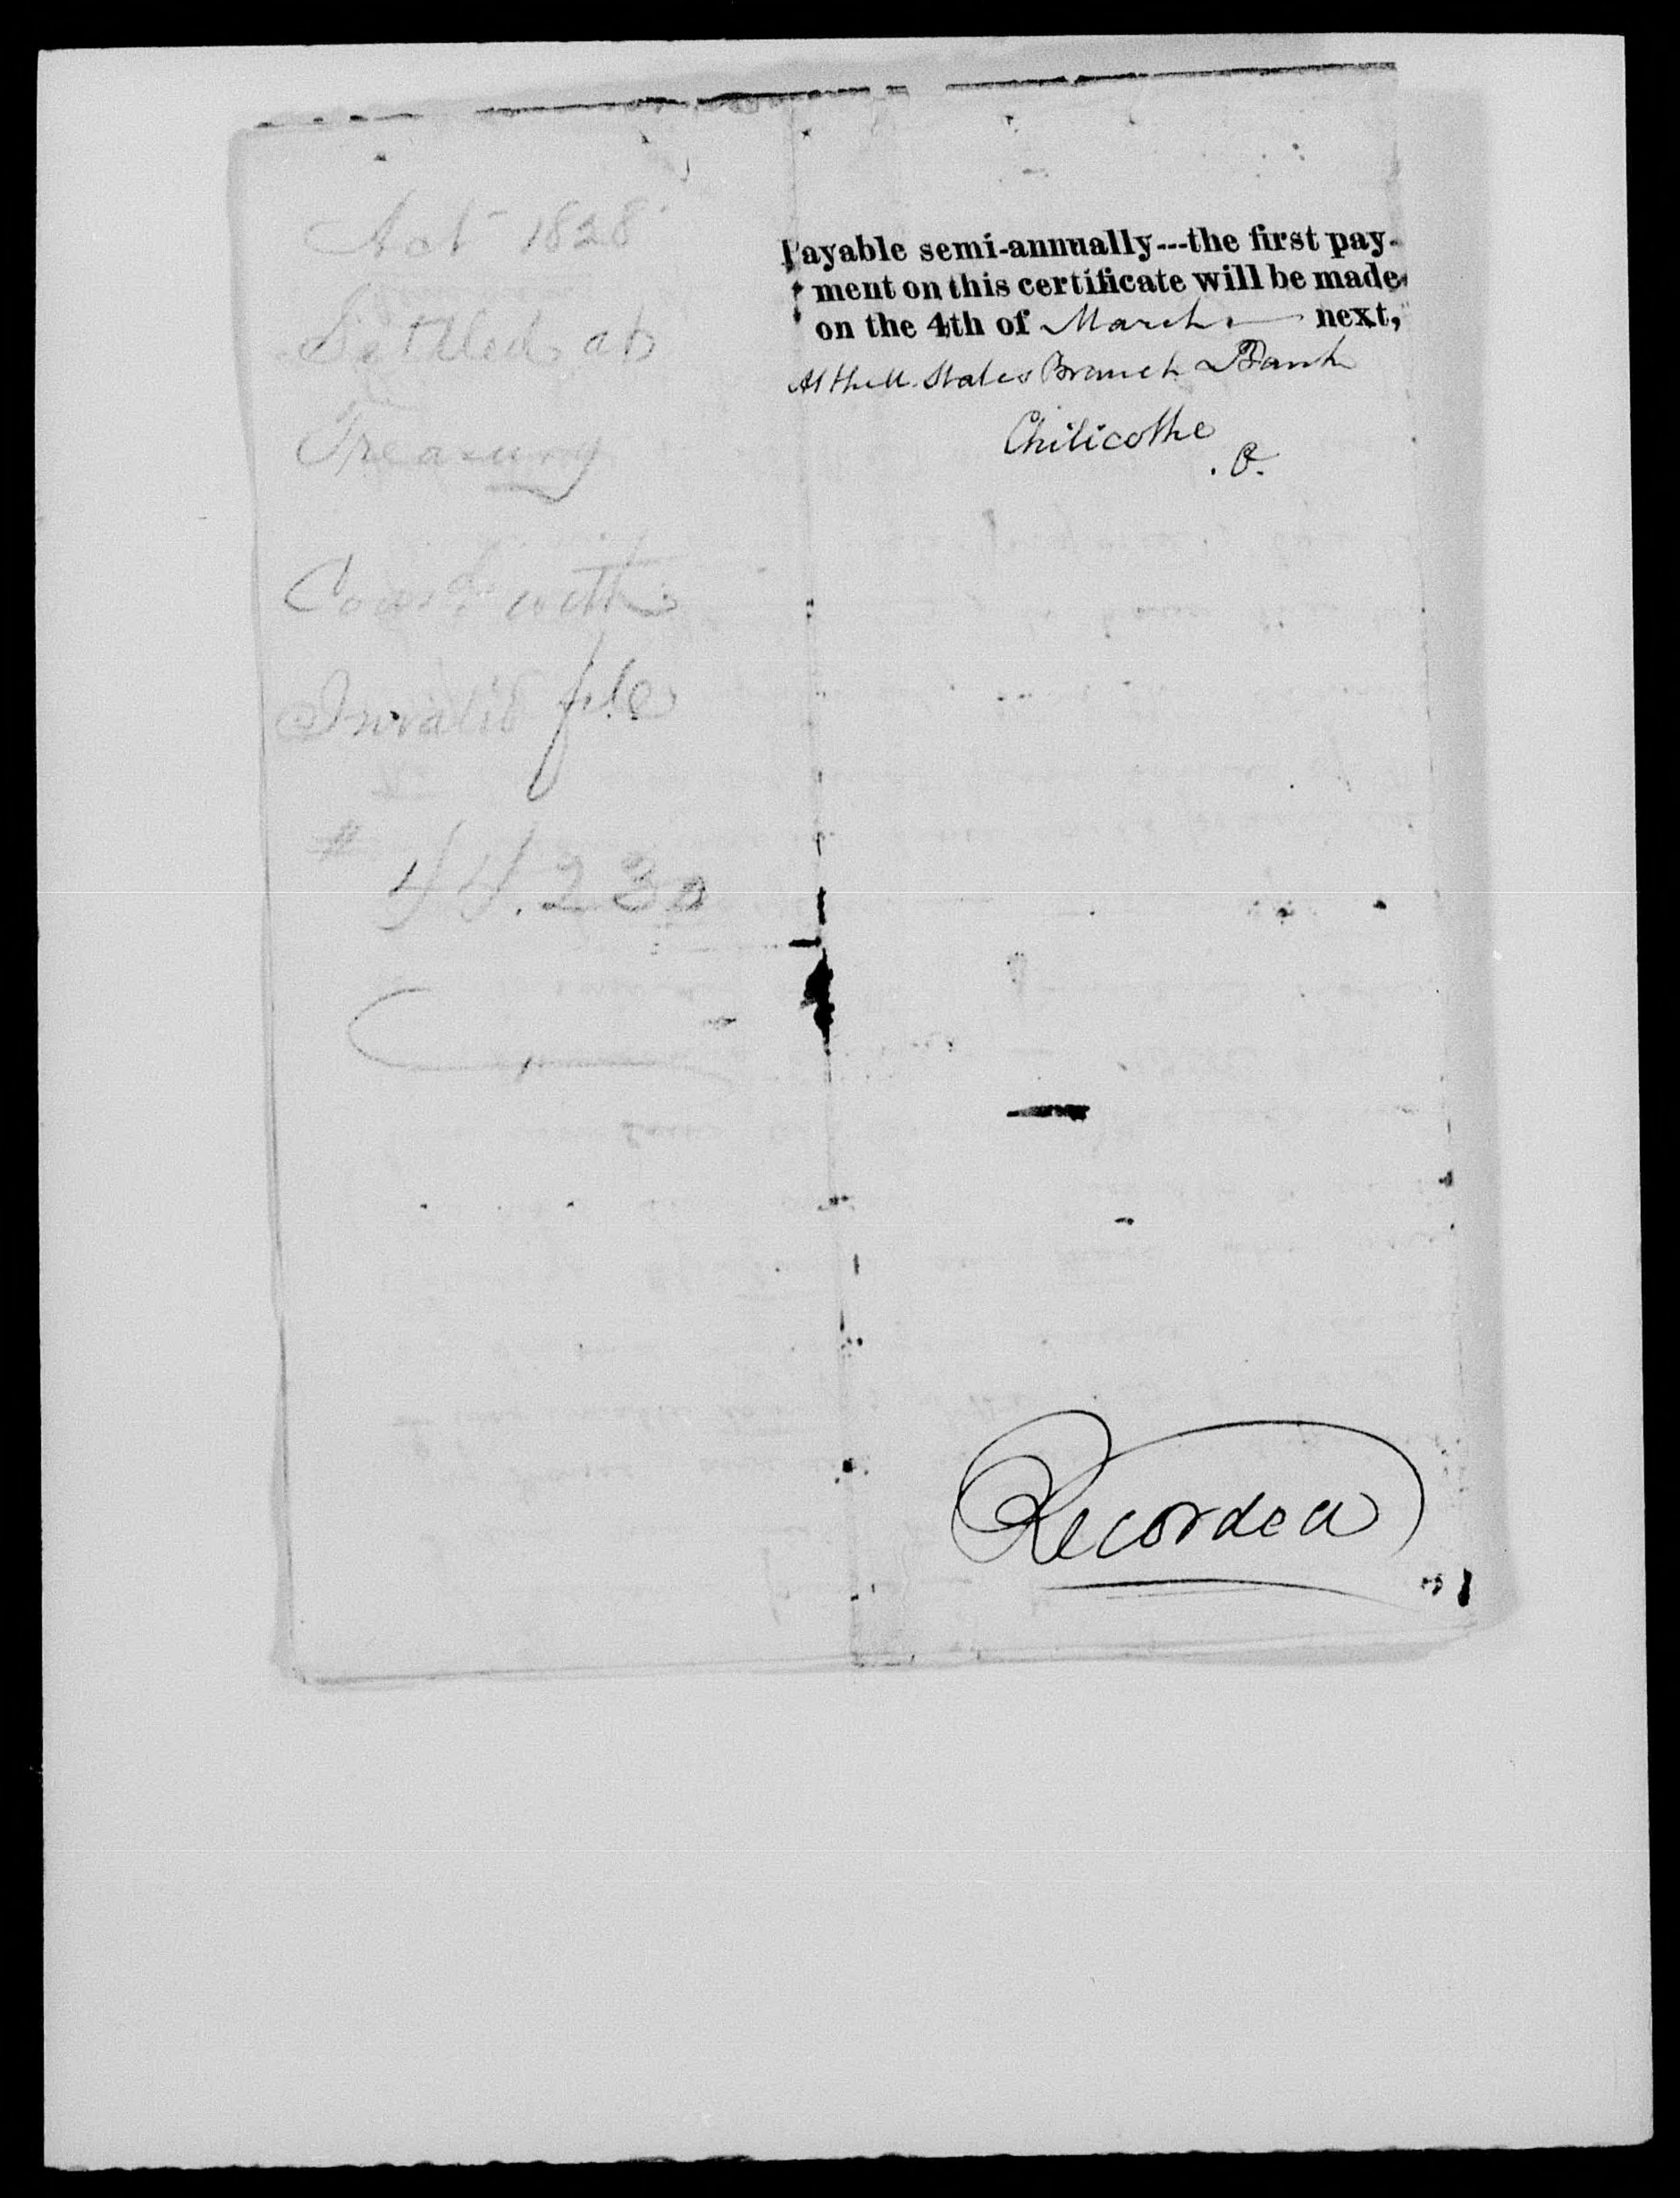Act 1828
Settled at
Treasury
Court with
Invalid file
#44230
.
Payable semi-annually -- the first payment
on this certificate will be made
on the 4th of March next,
at the States Branch Bank
Chilicothe
O.

Recorded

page: 17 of 32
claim: survivor's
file: S. 44230, James Curry, Va.